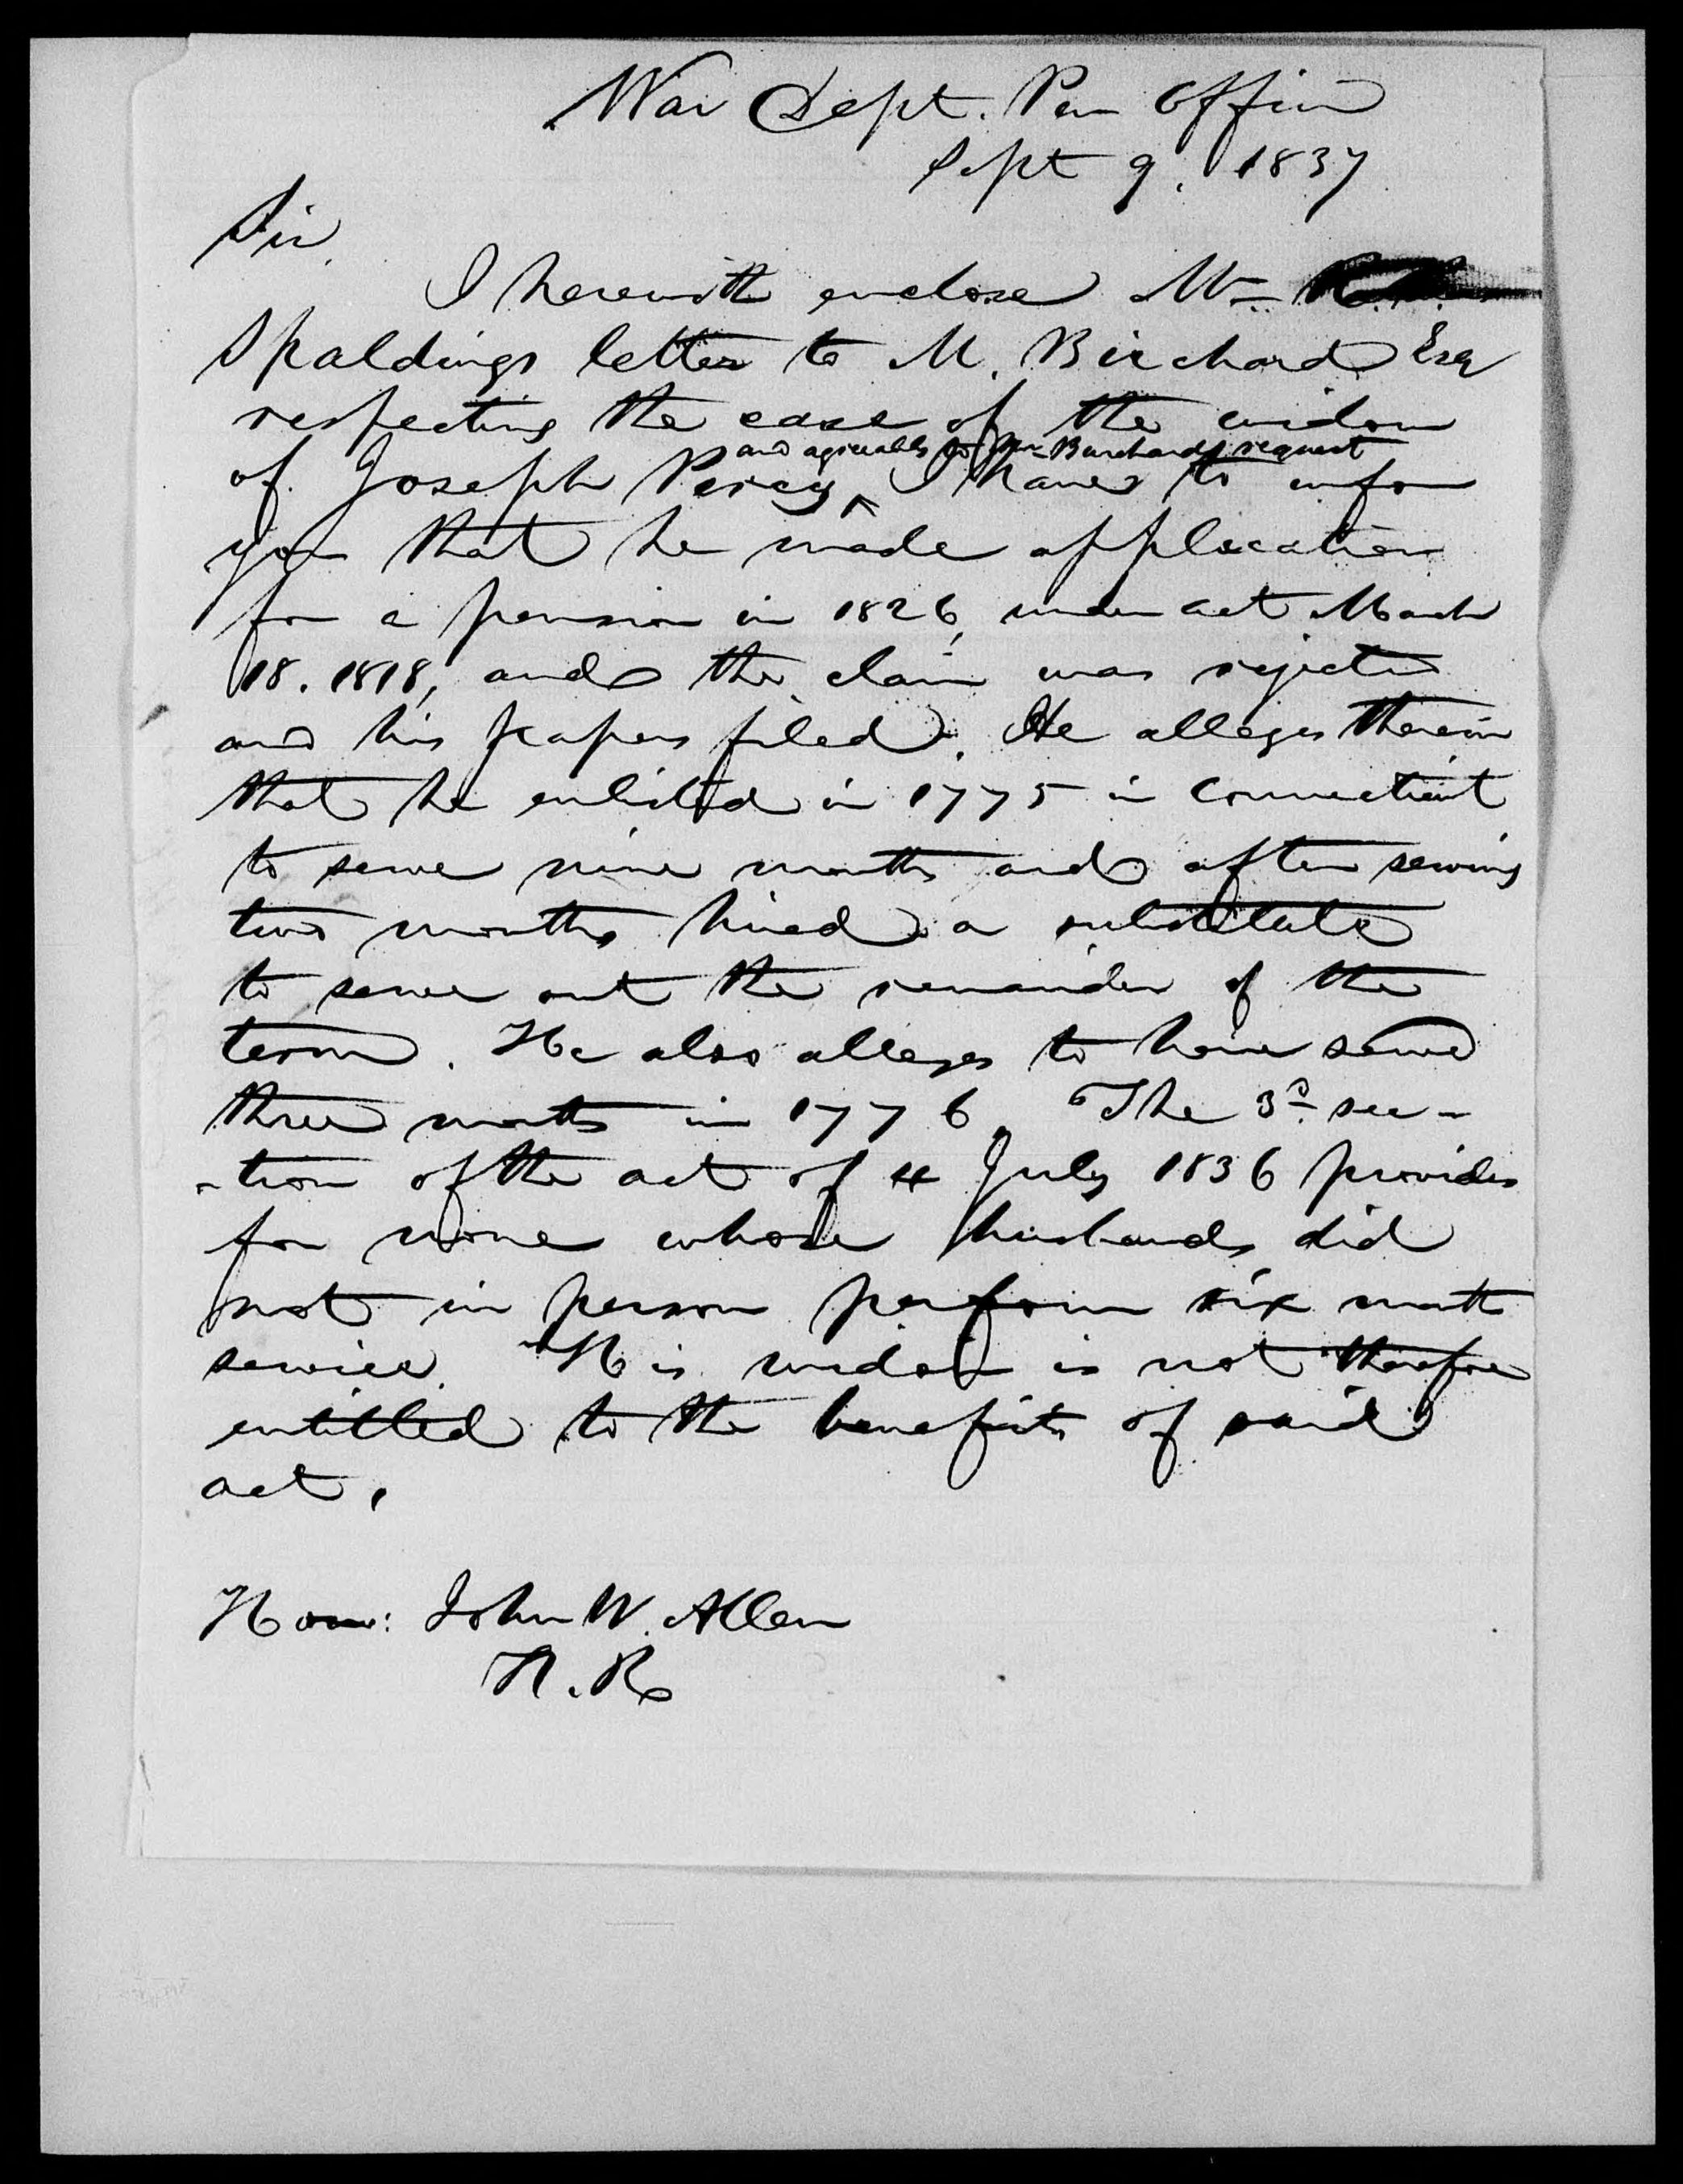War Dept. Pen Office
                          Sept 9 1837
Sir,
         I wherewith enclose W. Spaldings letter to M. Birchard Esq respecting the ease of the widow of Joseph Percy ^ and agreeably at Mr Barchards request^ I have to inform you that he made application for a pension in 1826, under act March 18, 1818, and the claim was rejected and his papers filed. He alleges therein that he enlisted he enlisted in 1775 in Connecticut to serve nine months and after serving two months hired a substitute to serve out the remainder of the term.  He also alleges to have served three months in 1776.  The 3rd section of the act of 4 July 1836 provides for none whose husbands did not in person perform six months service.  His widow in not therefor entitled to the benefit of said act.
   Name:  John W. Allen
                N.R.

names: M Birchard; John W Allen; Joseph Percy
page: 16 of 20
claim: rejected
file: R. 17029, for Joseph Percy, Connecticut